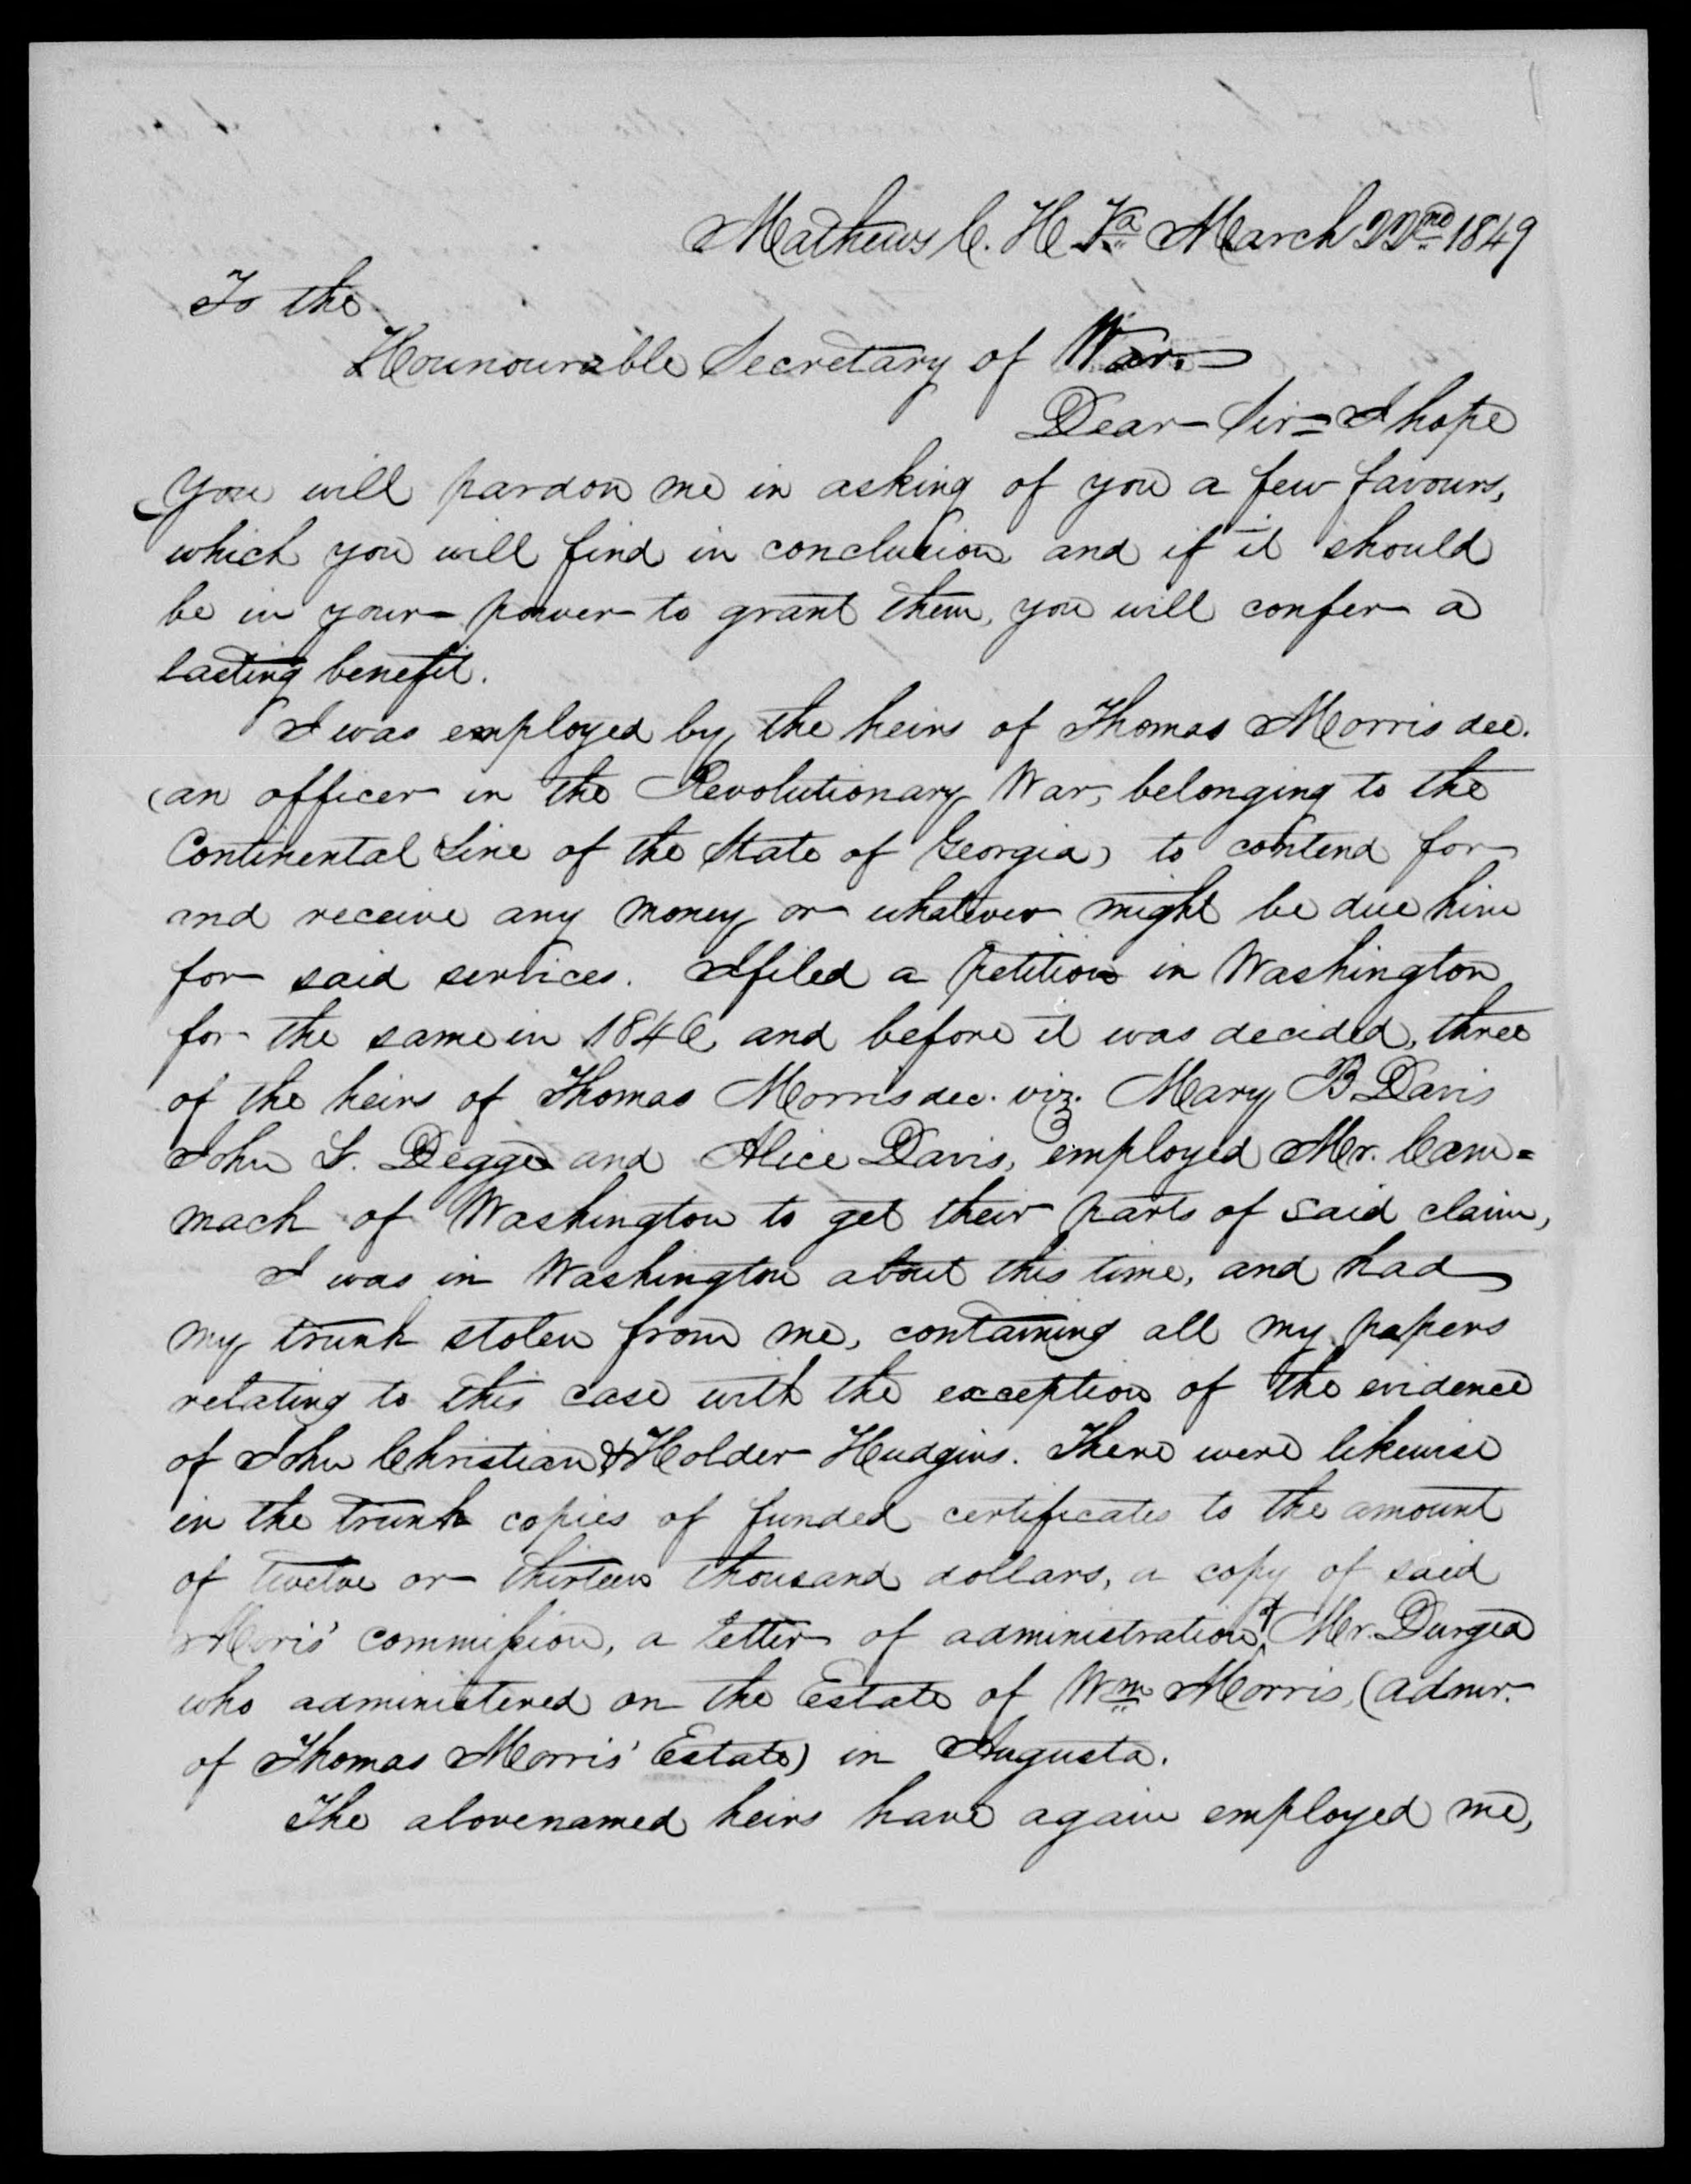Mathews C. H. Va March 22nd 1849
To the
Honourable Secretary of War,
Dear Sir I hope
You will pardon me in asking of you a few favours, which you will find in conclusion, and if it should be in your power to grant them, you will confer a lasting benefit. I was employed by the heirs of Thomas Morris dec. (an officer in the Revolutionary War, belonging to the Continental Line of the State of Georgia) to contend for and receive any money or whatever might be due him for said services. I filed a petition in Washington for the same in 1846 and before it was decided, three of the heirs of Thomas Morris dec. viz. Mary B Davis John L Degge and Alice Davis, employed Mr. Cammach of Washington to get their parts of said claim, I was in Washington about this time, and had my trunk stolen from me, containing all my papers relating to this case with the exception of the evidence of John Christian & Holder Hudgins. There were likewise in the trunk copies of funded certificates to the amount of twelve or thirteen thousand dollars, a copy of said Moris' commission, a letter of administration of Mr. Durgea who administered on the Estate of Wm Morris, (admr. of Thomas Morris' Estate) in Augusta. The above named heirs have again employed me,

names: Mary B Davis; John L Degge; Wm Morris; [BLANK] Durgea; Thomas Morris; Holder Hudgins; Alice Davis; [BLANK] Cammack; John Christian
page: 12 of 30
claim: rejected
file: R. 16,555, for Thomas Morris, Georgia